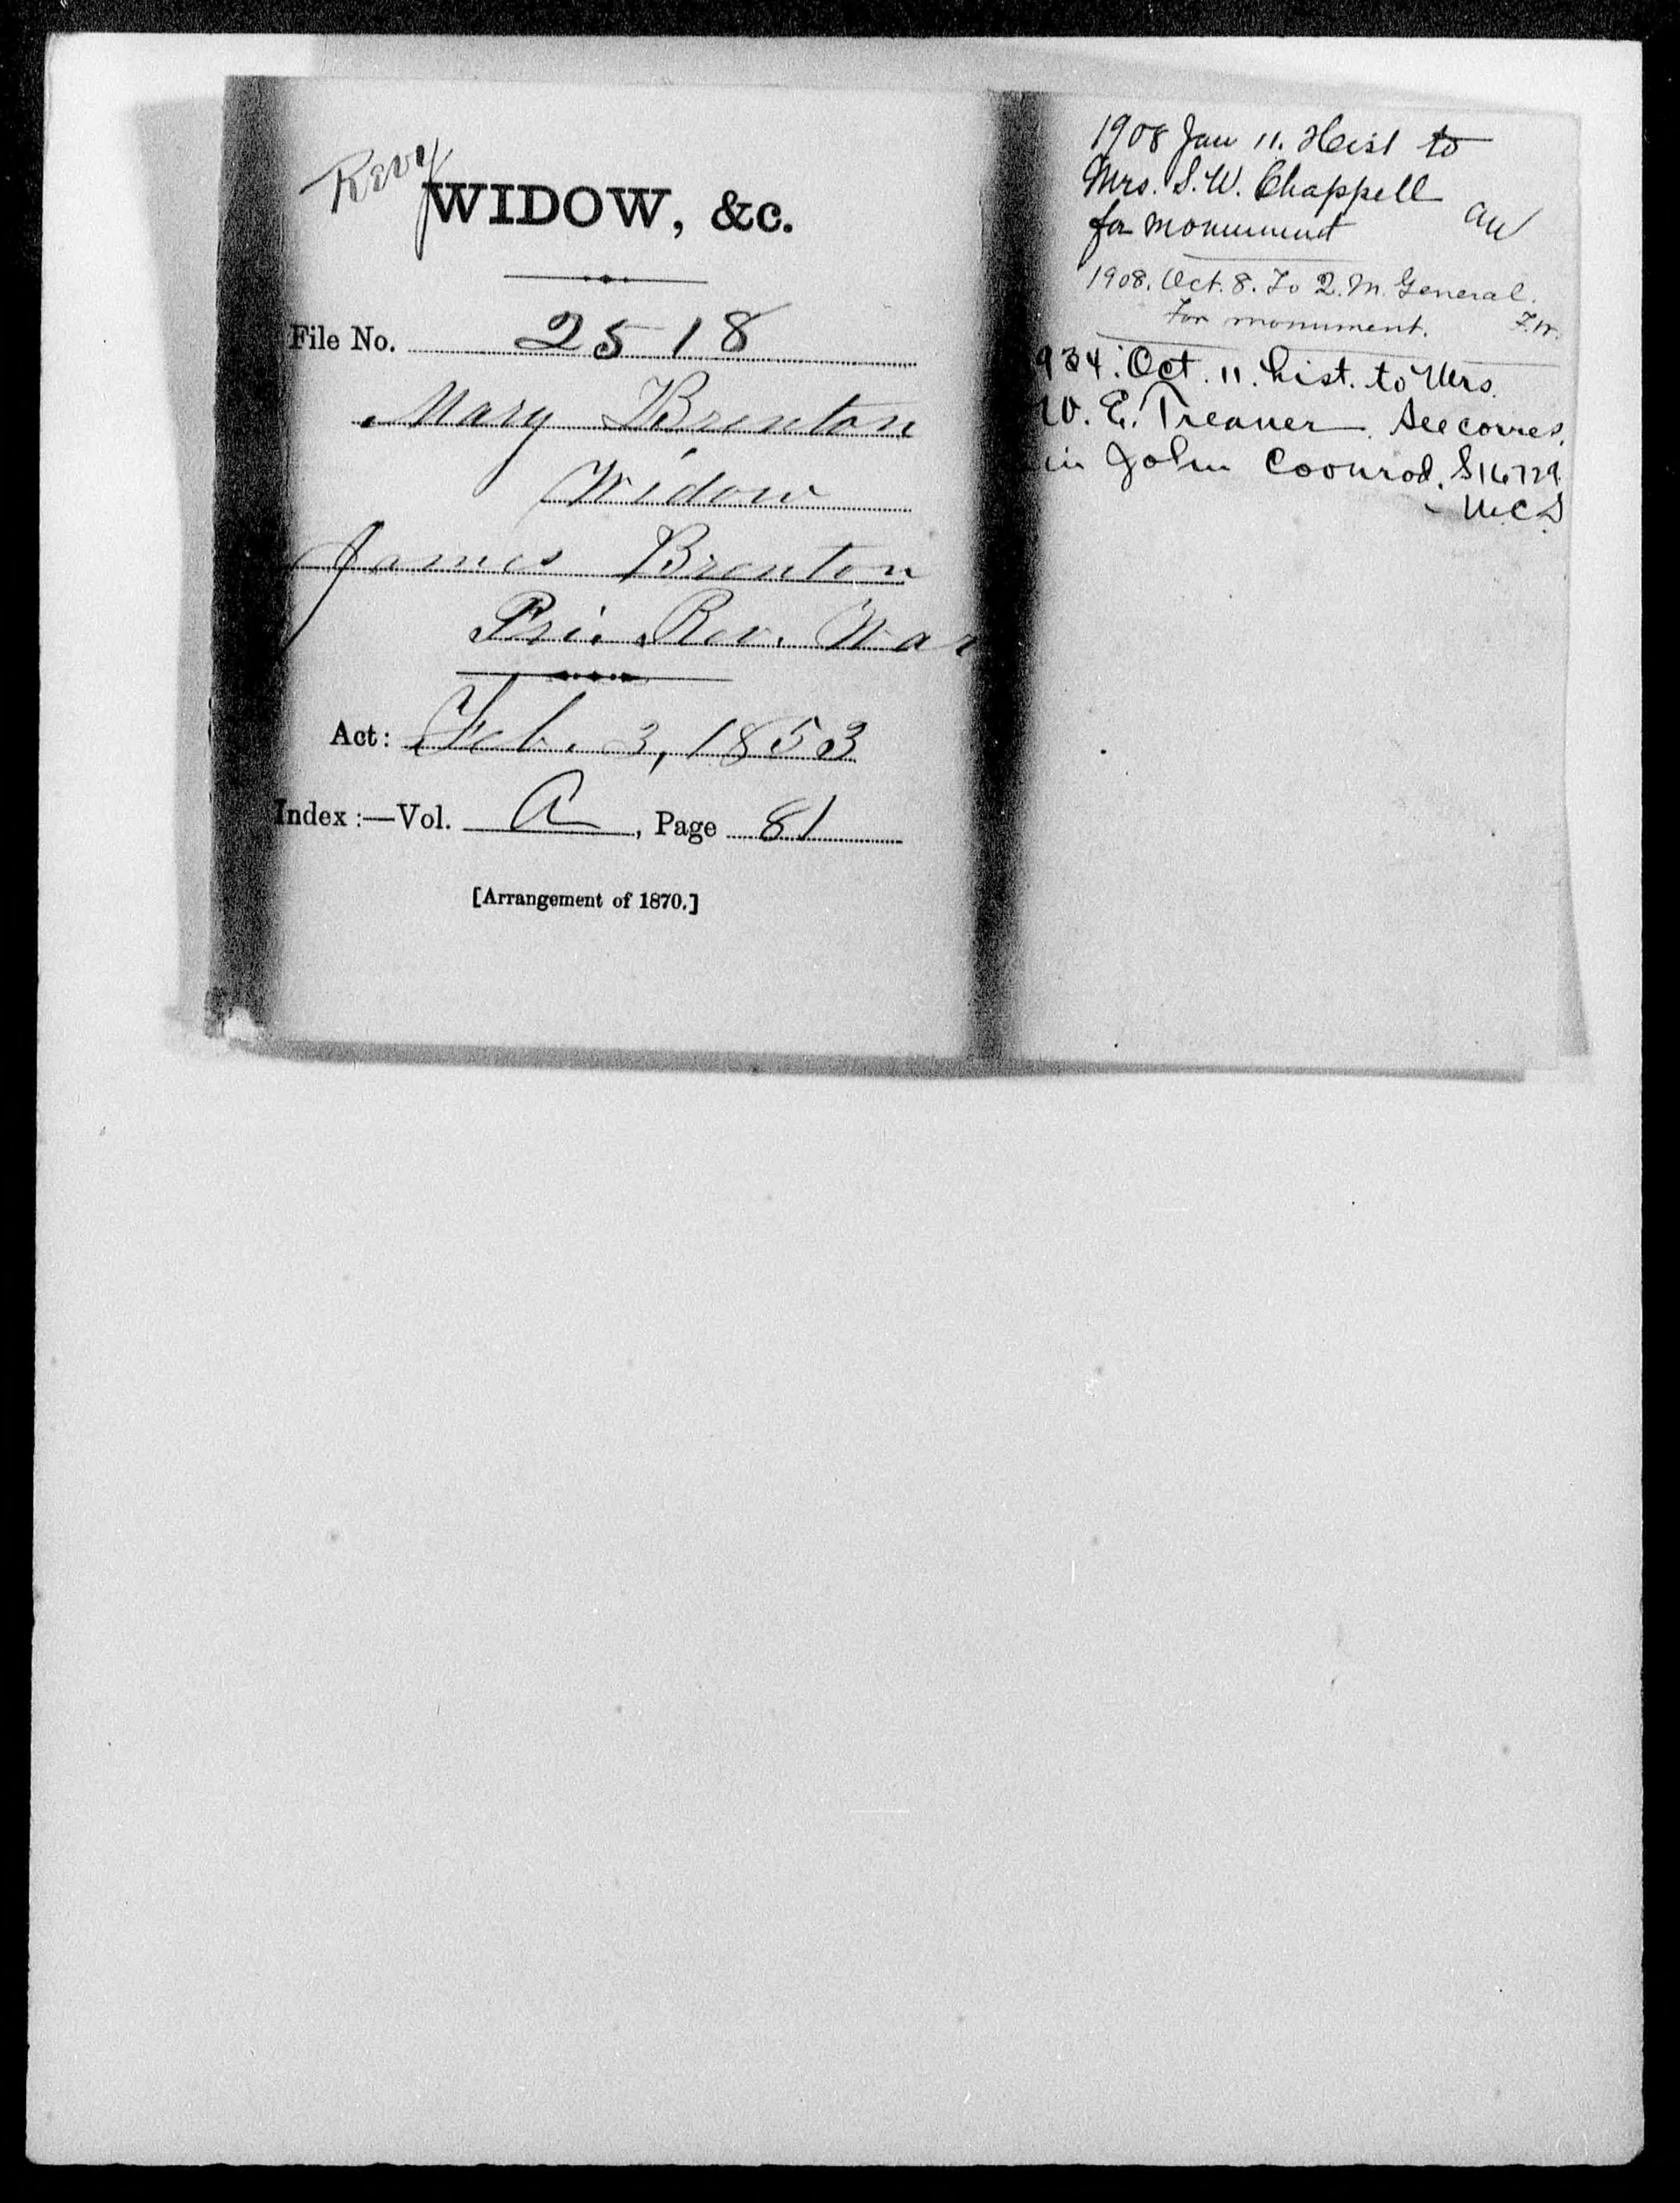Revy WIDOW, &c.
File No. 2518
Mary Brenton
widow
James Brenton
Pri. Rev. War
Act: Feb. 3, 1853
Index:--Vol. A, Page 81
[Arrangement of 1870.]

[right side of document]
1908 Jan 11. [illegible] to Mrs. S. W. Chappell for monument
1908 Oct 8. To L. M. General for monument.
1934 Oct 11 Hist. to Mrs. L O E. Treaner.. See corres. in John Coonrod, S16729 UCS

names: James Brenton, S W Chappell, W E Treaner, Mary Brenton, John Coonrod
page: 19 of 49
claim: widow's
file: W. 2518, James Brenton, Va.